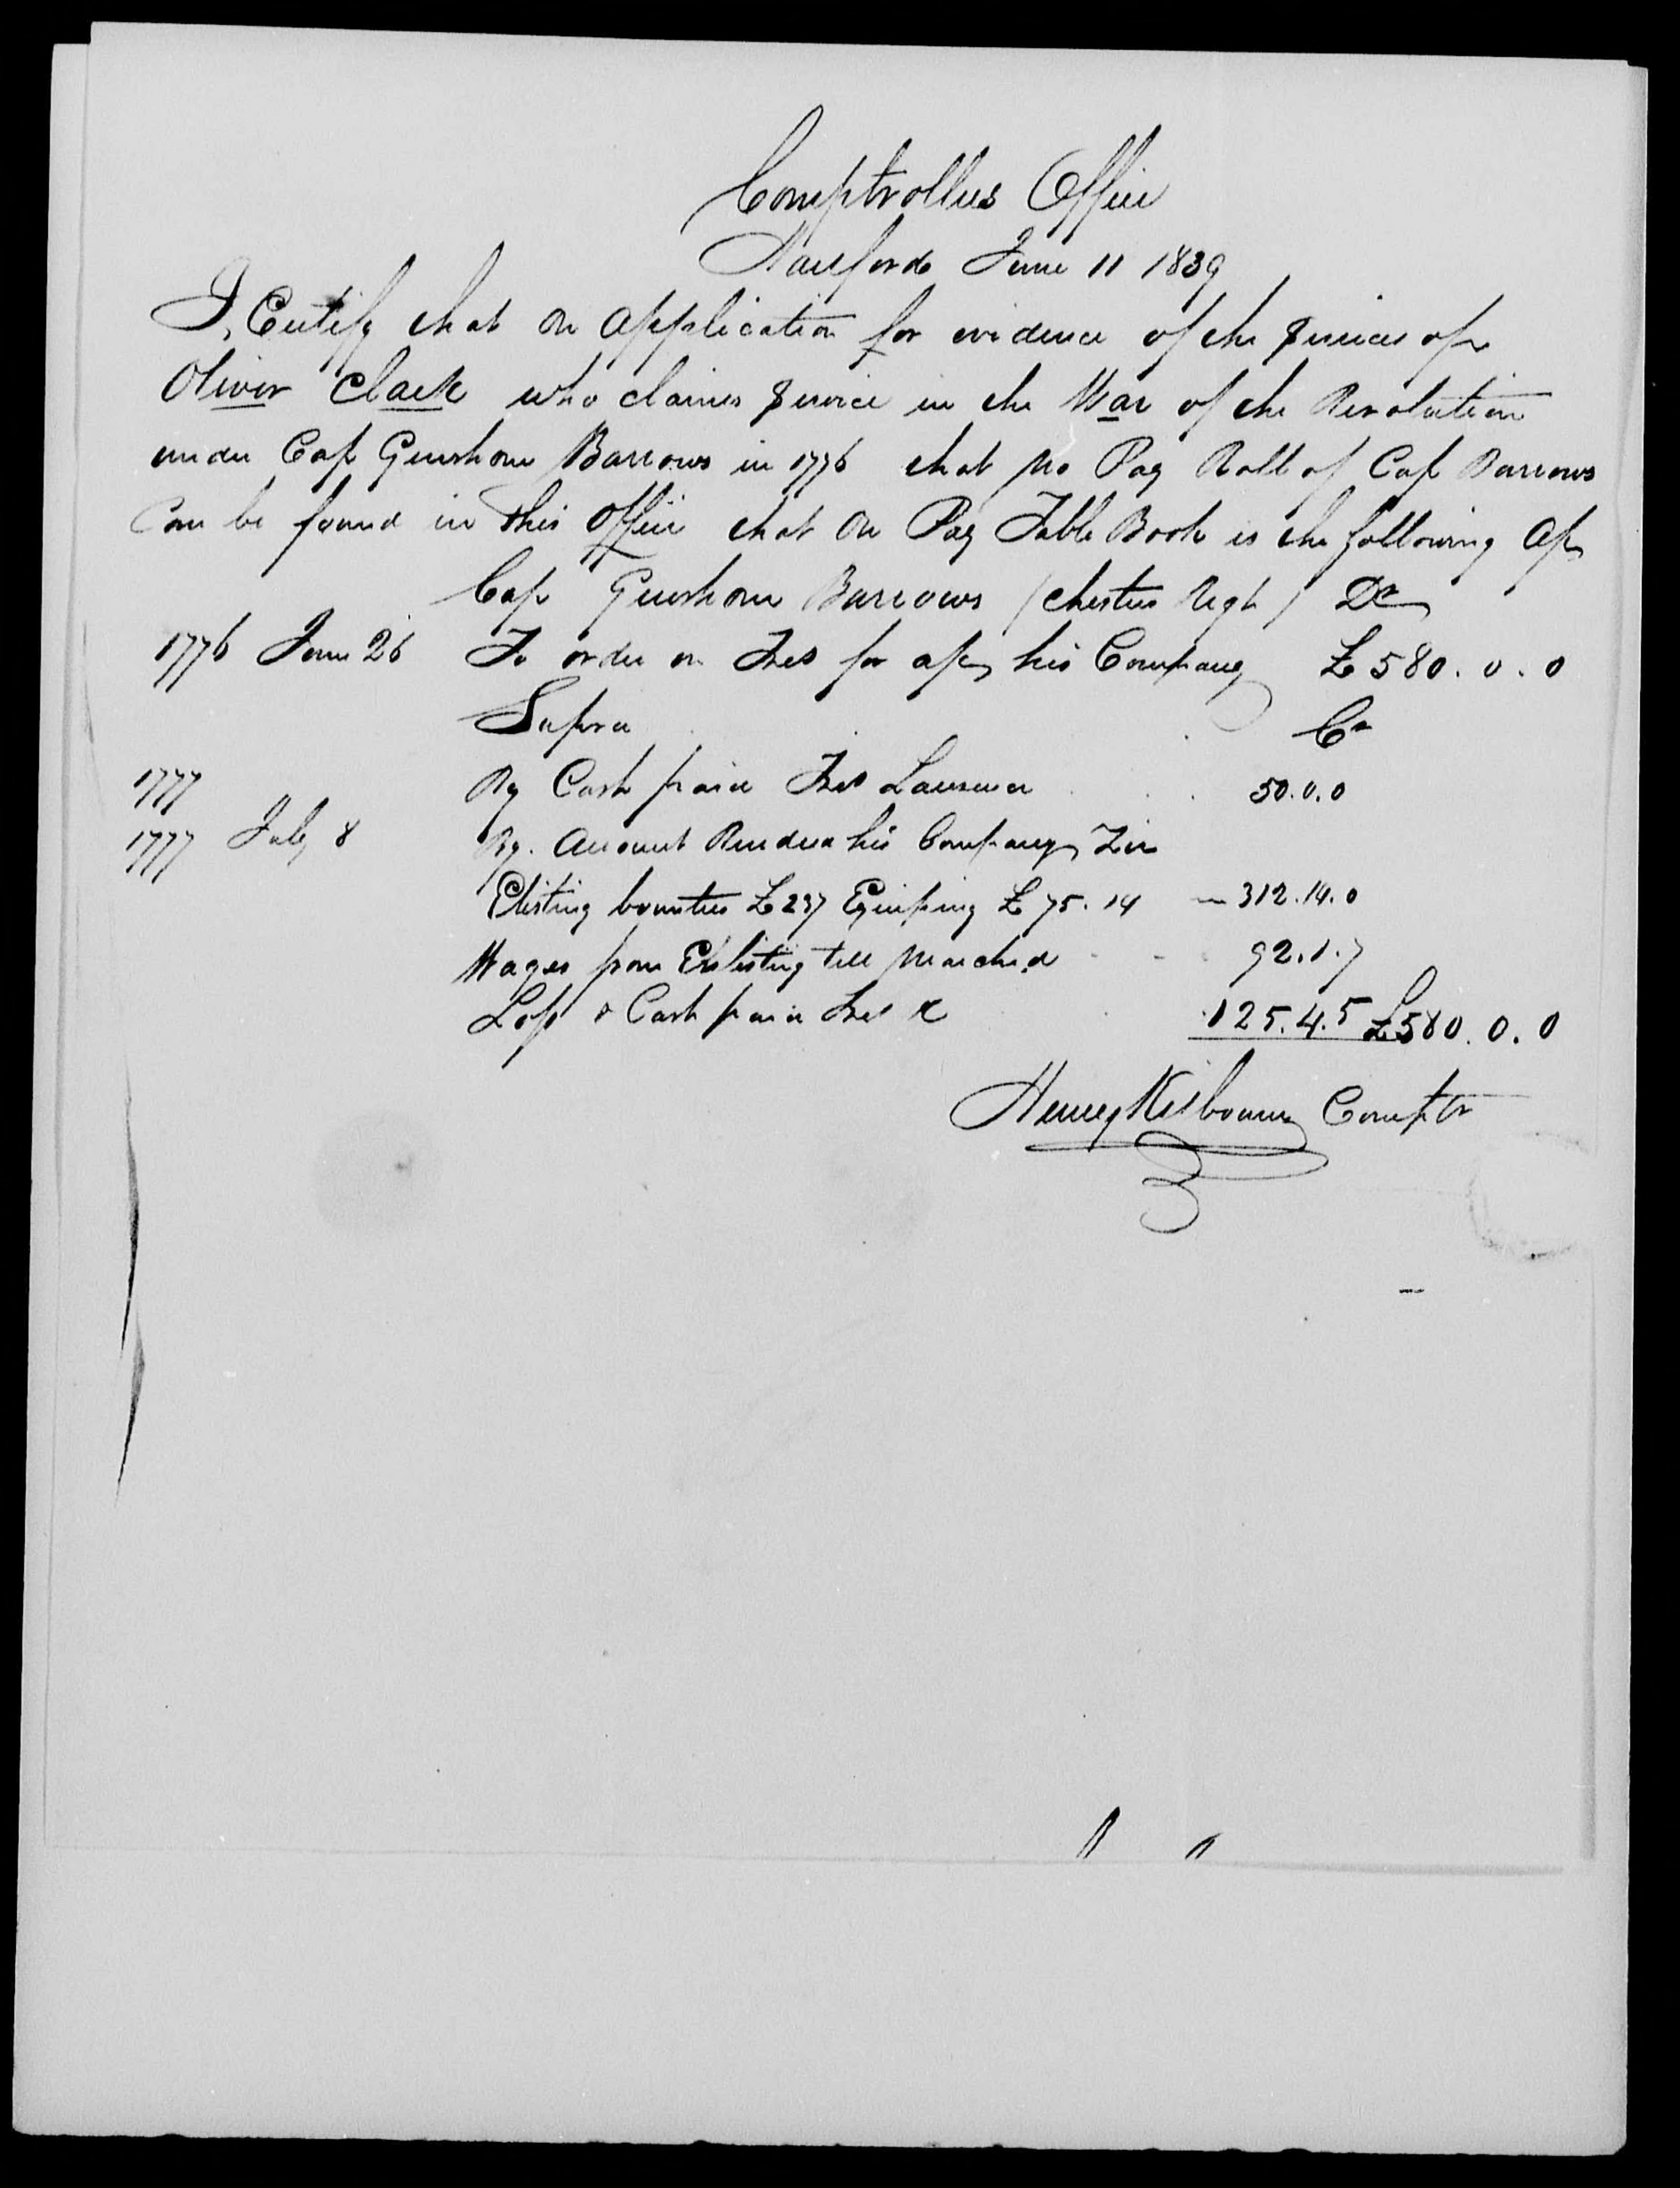[handwritten]
Comptrollers Office
Hartford June 11 1839
I, Certify that on application for evidence of the services of Oliver Clark who claims service in the War of the Revolution under Cap Gurshom Barrows in 1774 that no Pay Roll of Cap Barrows can be found in this office  that on Pay Table Book is the following  [illegible] 
Cap Gurshom Barrows/Chesters Regt/DC
1776 Jan 26 To order on [illegible] for [illegible] his Company £580.0.0
Supra C
1777 Ny Cash paid [illegible]	50.0.0
1777 July 8 Ny Amount [illegible] his Company [illegible]
Listing bounties £237 Equiping £75.14	312.14.0
Wages from Enlisted till Marched	92.1.7
Loss & Cash paid [illegible] 125.4.5 £580.0.0
Henry Kilbourne Comptr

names: Oliver Clark, Gurshom Barrows, Henry Kilbourne, Gurshom Barrows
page: 15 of 51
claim: widow's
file: W. 23816, Oliver Clark, Conn.